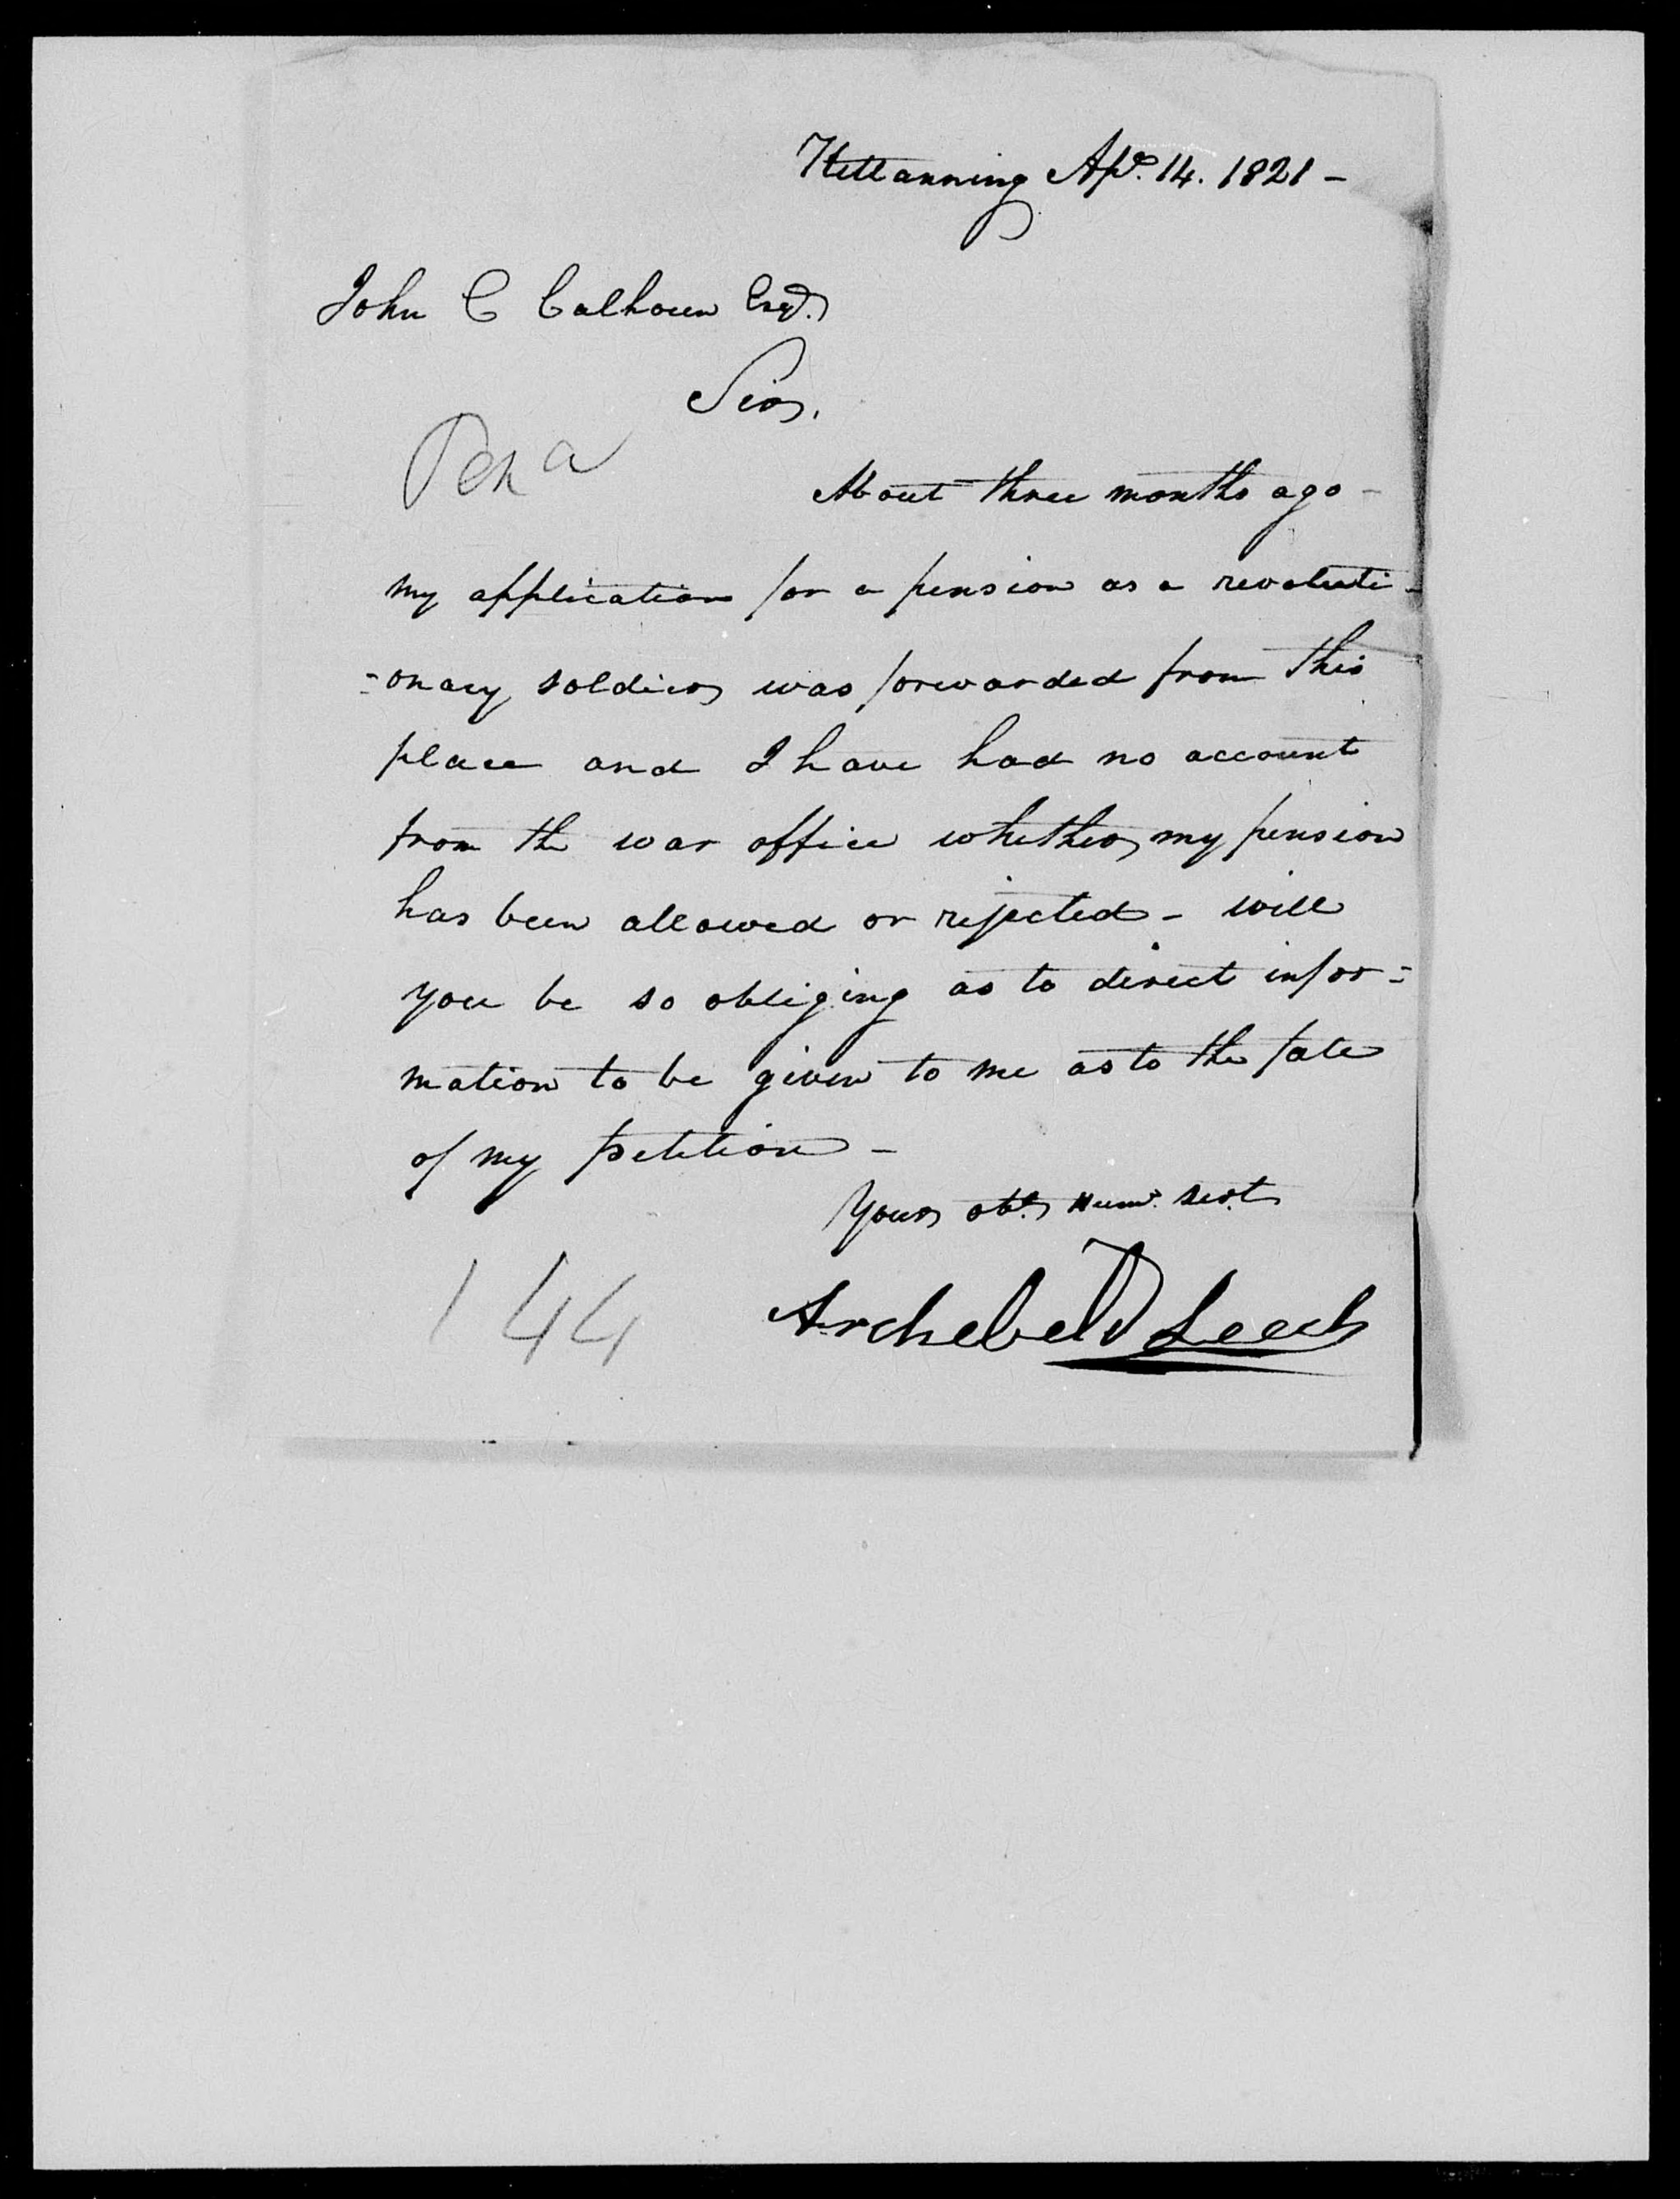Kittanning April 14, 1821
John C Calhoun Esq.
Sir,
About three months ago, my application for a pension as a revolutionary soldier was forwarded from this place and I have had no account from the war office whether my pension has been allowed or rejected. Will you be so obliging as to direct information to be given to me as to the fate of my petition.
Your obedient humble servant
Archibald Leech
144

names: John C Calhoun; Archebeld Leech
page: 17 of 20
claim: survivor's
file: S. 40,935, for Archibald Leech, Pennsylvania